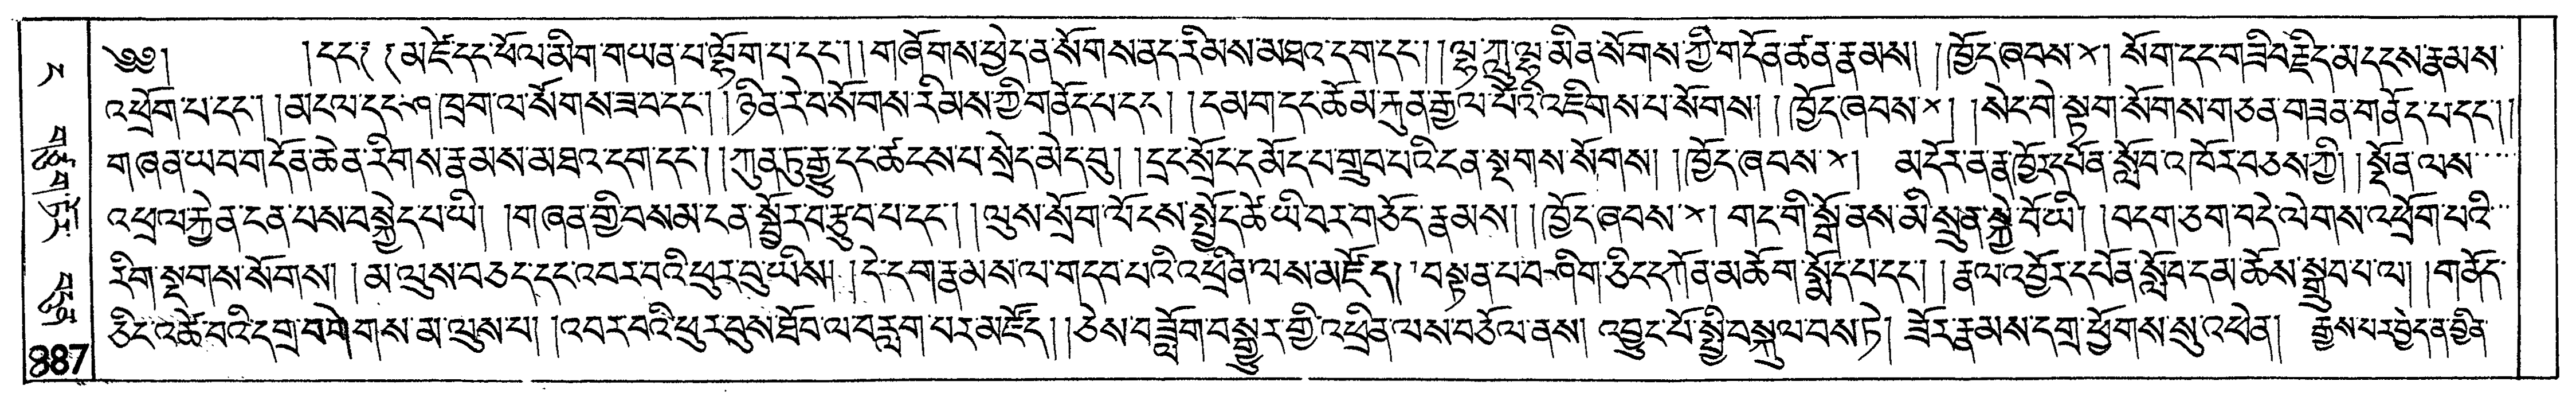༄༅། །དང༑ ༑མཛེ་དང་ཕོལ་མིག་གཡན་པ་ལྷོག་པ་དང་། །གཞོགས་ཕྱེད་ན་སོགས་ནད་རིམས་མཐའ་དག་དང་། །ལྷ་ཀླུ་ལྷ་མིན་སོགས་ཀྱི་གདོན་ཚན་རྣམས། །ཁྱོད་ཞབས་྾། སོག་དང་གཟི་བརྗིད་མདངས་རྣམས་
འཕྲོག་པ་དང་། །མངལ་དང་ཤ་ཁྲག་ལ་སོགས་ཟ་བ་དང་། །ཉིན་རེ་བ་སོགས་རིམས་ཀྱི་གནོད་པ་དང་། །དམག་དང་ཆོམ་རྐུན་རྒྱལ་པོའི་འཇིགས་པ་སོགས། །ཁྱོད་ཞབས་྾། །སེང་གེ་སྟག་སོགས་གཅན་གཟན་གནོད་པ་དང་། །
གཞན་ཡབ་གདོན་ཆེན་རིགས་རྣམས་མཐའ་དག་དང་། །ཀུན་ཏུ་རྒྱུ་དང་ཚངས་པ་སྲེད་མེད་བུ། །དྲང་སྲོང་དམོད་པ་གྲུབ་པའི་ངན་སྔགས་སོགས། །ཁྱོད་ཞབས་྾། མདོར་ན་རྣ་ཁྱོར་དཔོན་སློབ་འཁོར་བཅས་ཀྱི། །སྔོན་ལས་
འཕྲལ་རྐྱེན་ངན་པས་བསྐྱེད་པ་ཡི། །གཞན་གྱི་བསམ་ངན་སྦྱོར་བ་རྩུབ་པ་དང་། །ལུས་སྲོག་ལོངས་སྤྱོད་ཚེ་ཡི་བར་གཅོད་རྣམས། །ཁྱོད་ཞབས་྾། གང་གི་སྒོ་ནས་མི་སྲུན་སྐྱེ་བོ་ཡི། །བདག་ཅག་བདེ་ལེགས་འཕྲོག་པའི་
རིག་སྔགས་སོགས། །མ་ལུས་བཅད་དང་འབར་བའི་ཕུར་བུ་ཡིས། །དེ་དག་རྣམས་ལ་གདབ་པའི་འཕྲིན་ལས་མཛོད། །བསྟན་པ་བཤིག་ཅིང་དཀོན་མཆོག་སྨོད་པ་དང་། །རྣལ་འབྱོར་དཔོན་སློབ་དམ་ཆོས་སྒྲུབ་པ་ལ། །གནོད་
ཅིང་འཚེ་བའི་དགྲ་བགེགས་མ་ལུས་པ། །འབར་བའི་ཕུར་བུས་ཐོབ་ལ་བརླག་པར་མཛོད། །ཅེས་བཟློག་བསྒྱུར་གྱི་འཕྲིན་ལས་བཅོལ་ནས། འབྱུང་པོ་སྤྱི་བསྐུལ་བས་ཏེ། ཟོར་རྣམས་དགྲ་ཕྱོགས་སུ་འཕེན། རྒྱས་པར་བྱེད་ན་བྱིན་